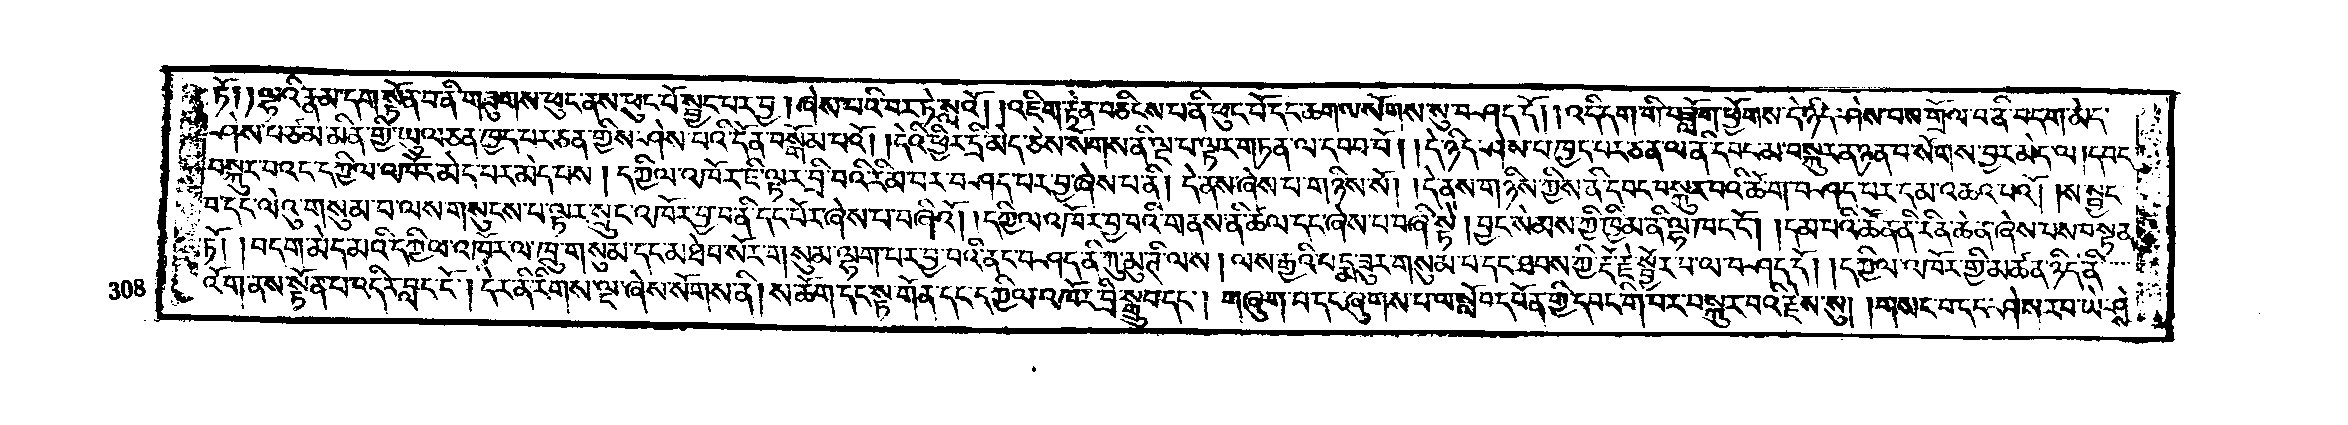ཏོ། །ལྷའི་རྣམ་དག་སྟོན་པ་ནི་གཟུགས་ཕུང་ནས་ཕུང་པོ་སྦྱང་པར་བྱ། ཞེས་པའི་བར་ཏེ་སླའོ། །འཇིག་རྟེན་བཅིངས་པ་ནི་ཕུང་པོ་དང་ཆགས་ལ་སོགས་སུ་བཤད་དོ། །འདི་དག་གི་བཟློག་ཕྱོགས་དེ་ཉིད་ཤེས་པས་གྲོལ་བ་ནི་བདག་མེད་
ཤེས་པ་ཙམ་མིན་གྱི་ཡུལ་ཅན་ཁྱད་པར་ཅན་གྱིས་ཤེས་པའི་དོན་བསྒོམ་པའོ། །དེའི་ཕྱིར་དྲི་མེད་ཅེས་སོགས་ནི་ལྔ་པ་ལྟར་གཏན་ལ་དབབ་བོ། །དེ་ཉིད་ཤེས་པ་ཁྱད་པར་ཅན་ལ་ནི་དབང་མ་བསྐུར་ན་ཉན་པ་སོགས་བྱར་མེད་ལ། དབང་
བསྐུར་བའང་དཀྱིལ་འཁོར་མེད་པར་མེད་པས། དཀྱིལ་འཁོར་ཇི་ལྟར་བྲི་བའི་རིམ་པར་བཤད་པར་བྱ་ཞེས་པ་ནི། དེ་ནས་ཞེས་པ་གཉིས་སོ། །དེ་ནས་གཉིས་ཀྱིས་ནི་དབང་བསྐུར་བའི་ཚིག་བཤད་པར་དམ་འཆའ་བའོ། །ས་སྦྱང་
བ་དང་ལེའུ་གསུམ་པ་ལས་གསུངས་པ་ལྟར་སྲུང་འཁོར་བྱ་བ་ནི་དང་པོར་ཞེས་པ་བཞིའོ། །དཀྱིལ་འཁོར་བྱ་བའི་གནས་ནི་ཚལ་དང་ཞེས་པ་བཞི་སྟེ། བྱང་སེམས་ཀྱི་ཁྱིམ་ནི་ལྷ་ཁང་ངོ། །དམ་པའི་ཚོན་ནི་རིན་ཆེན་ཞེས་པས་བསྟན་
ཏོ། །བདག་མེད་མའི་དཀྱིལ་འཁོར་ལ་ཁྲུ་གསུམ་དང་མཐེབ་སོར་གསུམ་ལྷག་པར་བྱ་བའི་ནང་བཤད་ནི་ཀུ་མུ་ཊི་ལས། ལས་རྒྱའི་པདམ་ཟུར་གསུམ་པ་དང་ཐབས་ཀྱི་རྡོ་རྗེ་སྦྱོར་བ་ལ་བཤད་དོ། །དཀྱིལ་འཁོར་གྱི་མཚན་ཉིད་ནི་
འོག་ནས་སྟོན་པ་འདིར་བླང་ངོ། དེར་ནི་རིགས་ལྔ་ཞེས་སོགས་ནི། ས་ཆོག་དང་སྟ་གོན་དང་དཀྱིལ་འཁོར་བྲི་སྒྲུབ་དང་། གཞུག་པ་དང་ཞུགས་པ་ལ་སློབ་དཔོན་གྱི་དབང་གི་བར་བསྐུར་བའི་རྗེས་སུ། །གསང་བ་དང་ཤེས་རབ་ཡེ་ཤེས་